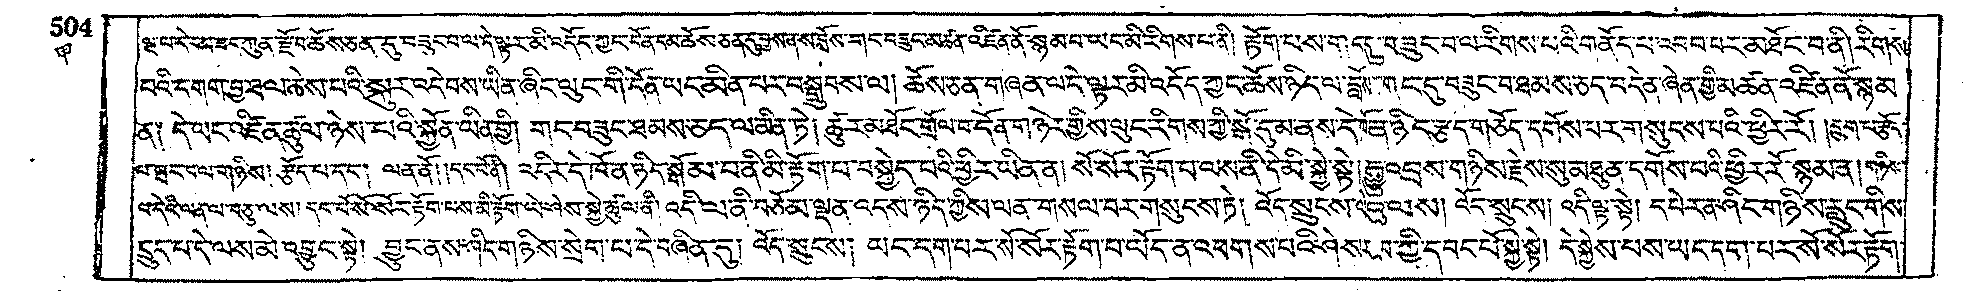ལྔ་པ་དེར་མ་ཟད་ཀུན་རྫོབ་ཆོས་ཅན་དུ་བཟུང་བ་ལ་དེ་ལྟར་མི་འདོད་ཀྱང་དོན་དམ་ཆོས་ཅན་དུ་བྱས་ནས་བློས་གང་བཟུང་མཚན་འཛིན་ནོ་སྙམ་པ་ཡང་མི་རིགས་པ་ནི། རྟོག་པས་གང་དུ་བཟུང་བ་ལ་རིགས་པའི་གནོད་པ་འབབ་པར་མཐོང་བ་ནི། རིགས་
བའི་དགག་བྱ་ཐལ་ཆེས་པའི་སྐུར་འདེབས་ཡིན་ཞིང་ལུང་གི་དོན་ཡང་མིན་པར་བསྒྲུབས་ལ། ཆོས་ཅན་གཞན་ལ་དེ་ལྟར་མི་འདོད་ཀྱང་ཆོས་ཉིད་ལ་བློས་གང་དུ་བཟུང་བ་ཐམས་ཅད་བདེན་ཞེན་གྱི་མཚན་འཛིན་ནོ་སྙམ་
ན༑ དེ་ཡང་འཛིན་ཚུལ་ཉེས་པའི་སྐྱོན་ཡིན་གྱི། གང་བཟུང་ཐམས་ཅད་ལ་མིན་ཏེ། ཚུར་མཐོང་གྲོལ་བ་དོན་གཉེར་གྱིས་ལུང་རིགས་ཀྱི་སྒོ་དུ་མ་ནས་དེ་ཁོ་ན་ཉིད་རྩད་གཅོད་དགོས་པར་གསུངས་པའི་ཕྱིར་རོ། །དྲུག་པ་རྩོད་
པ་སྤང་པ་ལ་གཉིས། རྩོད་པ་དང་། ལན་ནོ། །དང་པོ་ནི། འདིར་དེ་ཁོ་ན་ཉིད་སྒོམ་པ་ནི་མི་རྟོག་པ་བསྐྱེད་པའི་ཕྱིར་ཡིན་ན། སོ་སོར་རྟོག་པ་ལས་ནི་དེ་མི་སྐྱེ་སྟེ། རྒྱུ་འབྲས་གཉིས་རྗེས་སུ་མཐུན་དགོས་པའི་ཕྱིར་རོ་སྙམ་ནས། གཉིས་
པ་དེའི་ལན་ལ་བཅུ་ལས། དང་པོ་སོ་སོར་རྟོག་པས་མི་རྟོག་ཡེ་ཤེས་སྐྱེ་ཚུལ་ནི། འདི་ལ་ནི་བཅོམ་ལྡན་འདས་ཉིད་ཀྱིས་ལན་གསལ་བར་གསུངས་ཏེ། འདོད་སྲུངས་ལེའུ་ལས། འོད་སྲུངས། འདི་ལྟ་སྟེ། དཔེར་ན་ཤིང་གཉིས་རླུང་གིས་
དྲུད་པ་དེ་ལས་མེ་འབྱུང་སྟེ། བྱུང་ནས་ཤིང་གཉིས་སྲེག་པ་དེ་བཞིན་དུ། འོད་སྲུངས། ཡང་དག་པར་སོ་སོར་རྟོག་པ་ཡོད་ན་འཕགས་པའི་ཤེས་རབ་ཀྱི་དང་པོ་སྐྱེ་སྟེ། དེ་སྐྱེས་པས་ཡང་དག་པར་སོ་སོར་རྟོག་